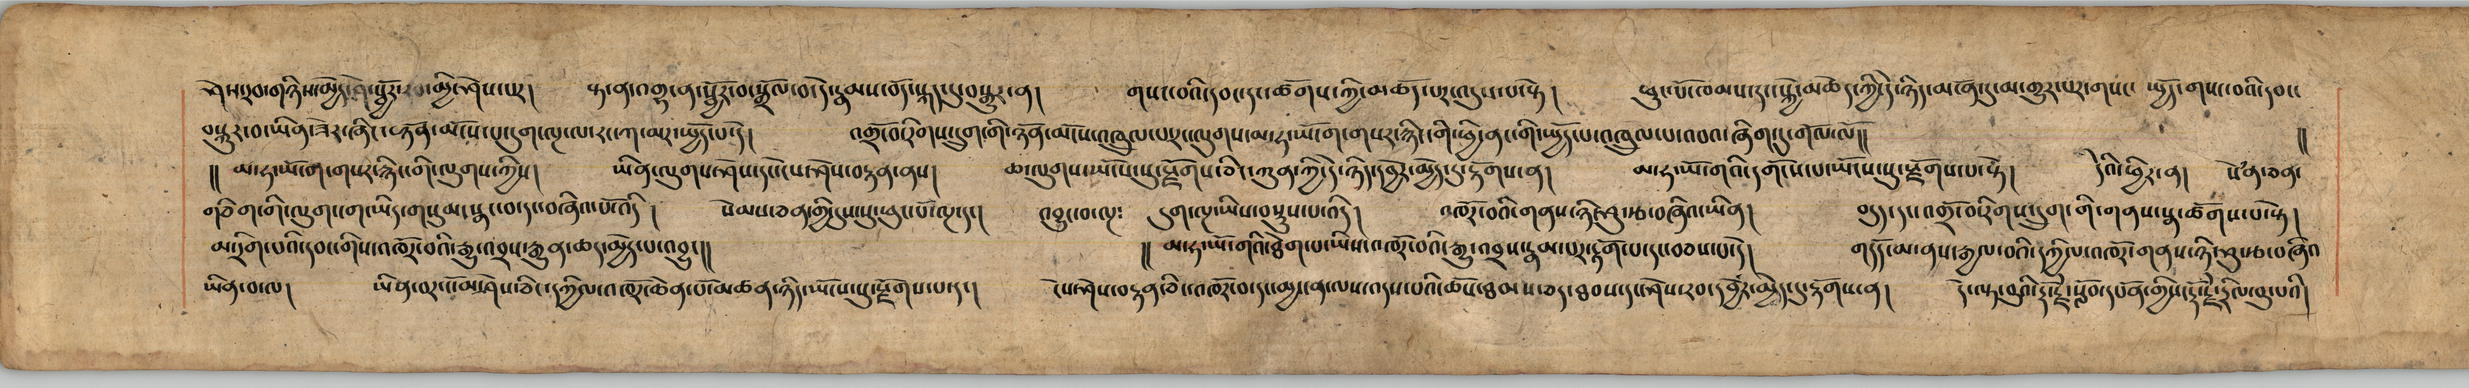ཤེས་རབ་གཉིས་མྱེད་ཤེ་སྦྱོར་རབ་མྱི་ཤེས་པར། སྟ་ན་འགྷ་ན་སྦྱོར་བ་སྒྲོལ་བ་དེ་རྣམས་བོད་སྐད་དུ་བསྒྱུར་ན། གསང་བའི་དབང་དང་ཚོགས་ཀྱི་མཆོད་པར་འདུས་པ་སྟེ། ཕུང་པོ་ཁམས་དང་སྐྱེ་མཆེད་ཀྱི་དེ་ཉིད་མངོན་དུ་མ་གྱུར་པར་གསང་ སྤྱོད་གསང་བའི་དབང་
བསྐུར་བ་ཡིན་ཟེར་ཞིང་ཉོན་མོངས་པ་དུག་ལྔ་ལ་རང་ཀ་མར་སྤྱོད་པ་དེ། འགྲོ་བ་རིགས་དྲུག་གི་ཉོན་མོངས་འཁྲུལ་པ་རང་ལུགས་མ་ཧ་ཡོ་ག་གསར་རྙིང་གི་ཕྱི་ནང་གི་སྤྱོད་པ་འཁྲུལ་པ་འབའ་ཞིག་དུ་གོལ་ལོ།།
།། མ་ཧ་ཡོ་ག་གསར་རྙིང་གི་ལུགས་ཀྱིས། ཡིན་ལུགས་ཤེས་དང་ངེས་ཤེས་བརྟན་ནས། ཆ་ལུགས་ཡོངས་སུ་སྫོགས་ཅིང་ཀུན་ཀྱི་དེ་ཉིད་དབྱེར་མྱེད་དུ་རྟོགས་ན། མ་ཧ་ཡོ་གའི་དགོངས་པ་ཡོངས་སུ་སྫོགས་པ་སྟེ། དེའི་ཕྱིར་ན། སེཾན་ཅན་
གཅིག་གི་ལུག་ངག་ཡིད་གསུམ་སྣང་བ་དང་བཞིའ་པོ་འདི། སེམས་ཅན་གྱི་ཕུང་པོ་ལྔ་དང། འབྱུང་བ་ལྔ༴ དུག་ལྔ་ཡིས་བསྡུས་པ་འདི། འཁོར་བའི་གནས་ཉི་ཤུ་རྩ་བཞིའ་ཡིན། བདུད་དང་འགྲོ་བ་རིགས་དྲུག་གི་གནས་སྣ་ཚོགས་པ་སྟེ།
མ་རིག་པའི་དབང་གིས་འཁོར་བའི་རྒྱུ་འབྲས་རྒྱུན་ཆད་མྱེད་པ་འབྱུང།། །། མ་ཧ་ཡོ་གའི་ཐེག་པ་ཡིས་འཁོར་བའི་རྒྱུ་འབྲས་རྣམ་པར་རྟོག་པ་དང་བཅས་པ་དེ། གདོད་མ་ནས་རྒྱལ་བའི་དཀྱིལ་འཁོར་གནས་ཉི་ཤུ་རྩ་བཞིའ
ཡིན་བ་ལ། ཡིན་བར་མ་ཤེས་ཅིང་དཀྱིལ་འཁོར་ཆེན་པོ་མཚན་ཉིད་ཡོངས་སུ་སྫོགས་པ་དང། ངེས་ཤེས་བརྟན་ཅིང་འཁོར་བ་དང་མྱ་ངན་ལས་འདས་པའི་ཆོས་ཐམས་ཅད་ཐབས་དང་ཤེས་རབ་དབྱེར་མྱེད་དུ་རྟོགས་ན། དེ་ལྟ་བུའི་རྡོ་རྗེ་སློབ་དཔོན་གྱིས་རྡོ་རྗེ་དྲིལ་བུ་པའི།